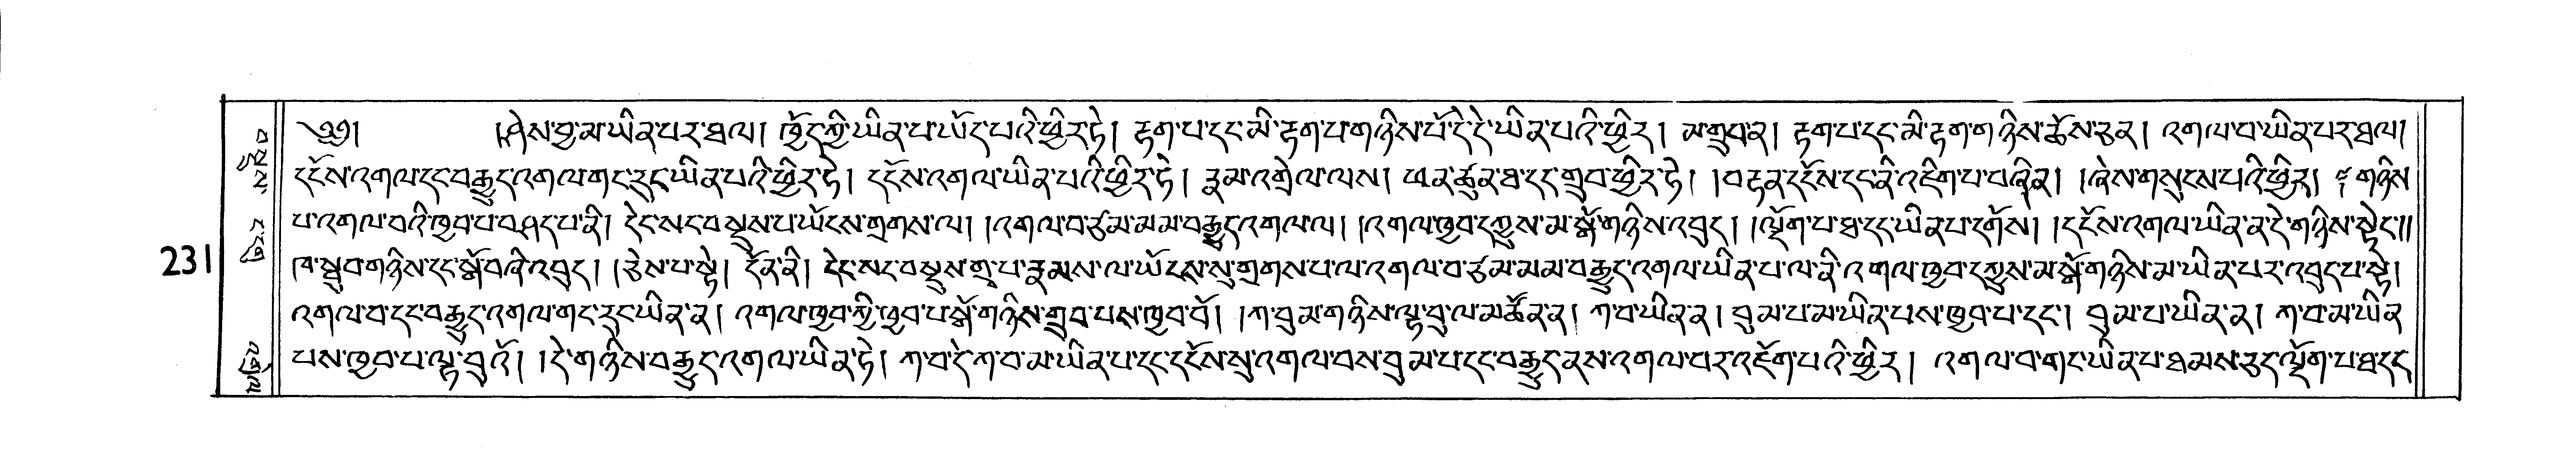༄༅། །ཤེས་བྱ་མ་ཡིན་པར་ཐལ། ཁྱོད་ཀྱི་ཡིན་པ་ཡོད་པའི་ཕྱིར་ཏེ། རྟག་པ་དང་མི་རྟག་པ་གཉིས་པོ་དེ་དེ་ཡིན་པའི་ཕྱིར། མ་གྲུབ་ན། རྟག་པ་དང་མི་རྟག་གཉིས་ཆོས་ཅན། འགལ་བ་ཡིན་པར་ཐལ།
དངོས་འགལ་དང་བརྒྱུད་འགལ་གང་རུང་ཡིན་པའི་ཕྱིར་ཏེ། དངོས་འགལ་ཡིན་པའི་ཕྱིར་ཏེ། རྣམ་འགྲེལ་ལས། ཕན་ཚུན་ཐ་དད་གྲུབ་ཕྱིར་ཏེ། །བརྟན་དངོས་དང་ནི་འཇིག་པ་བཞིན། །ཞེས་གསུངས་པའི་ཕྱིར། ༈ གཉིས་
པ་འགལ་བའི་ཁྱབ་པ་བཤད་པ་ནི། དེང་སང་བསྡུས་པ་ཡོངས་གྲགས་ལ། །འགལ་བ་ཙམ་མམ་བརྒྱུད་འགལ་ལ། །འགལ་ཁྱབ་དཀྱུས་མ་སྒོ་གཉིས་འབུད། །ལྡོག་པ་ཐ་དད་ཡིན་པ་དགོས། །དངོས་འགལ་ཡིན་ན་དེ་གཉིས་སྟེང།།
ཁ་སྦུབ་གཉིས་དང་སྒོ་བཞི་འབུད། །ཅེས་པ་སྟེ། དོན་ནི། དེང་སང་བསྡུས་གྲྭ་པ་རྣམས་ལ་ཡོངས་སུ་གྲགས་པ་ལ་འགལ་བ་ཙམ་མམ་བརྒྱུད་འགལ་ཡིན་པ་ལ་ནི་འགལ་ཁྱབ་དཀྱུས་མ་སྒོ་གཉིས་མ་ཡིན་པར་འབུད་པ་སྟེ།
འགལ་བ་དང་བརྒྱུད་འགལ་གང་རུང་ཡིན་ན། འགལ་ཁྱབ་ཀྱི་ཁྱབ་པ་སྒོ་གཉིས་གྲུབ་པས་ཁྱབ་བོ། །ཀ་བུམ་གཉིས་ལྟ་བུ་ལ་མཚོན་ན། ཀ་བ་ཡིན་ན། བུམ་པ་མ་ཡིན་པས་ཁྱབ་པ་དང་། བུམ་པ་ཡིན་ན། ཀ་བ་མ་ཡིན་
པས་ཁྱབ་པ་ལྟ་བུའོ། །དེ་གཉིས་བརྒྱུད་འགལ་ཡིན་ཏེ། ཀ་བ་དེ་ཀ་བ་མ་ཡིན་པ་དང་དངོས་སུ་འགལ་བས་བུམ་པ་དང་བརྒྱུད་ནས་འགལ་བར་འཇོག་པའི་ཕྱིར། འགལ་བ་གང་ཡིན་པ་ཐམས་ཅད་ལྡོག་པ་ཐ་དད་